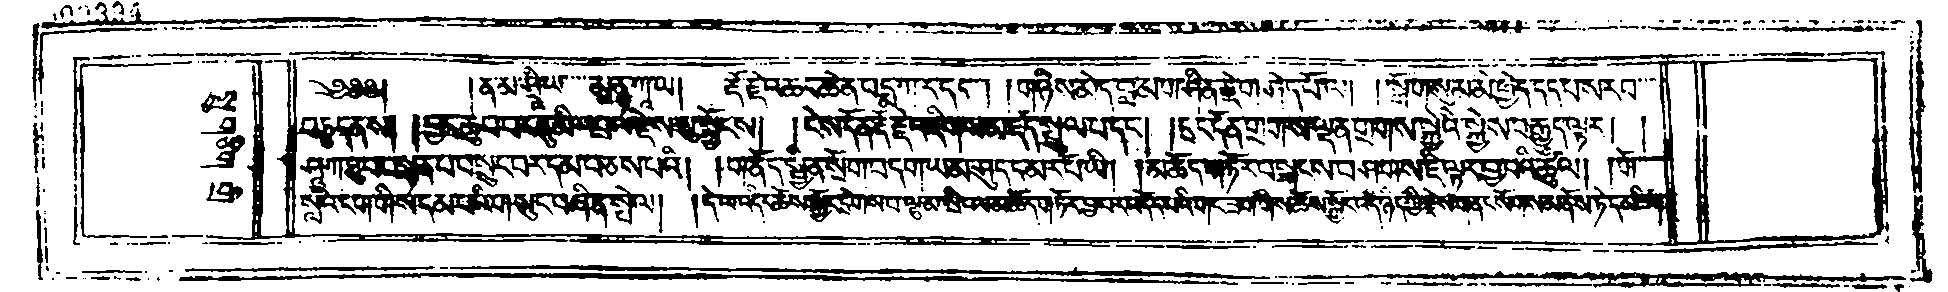༄༅༅། །ན་མ་ཤྲཱི་ཡ་མཱ་ནྟ་ཀཱ་ཡ། རྡོ་རྗེ་འཆང་ཆེན་པདམ་ཀ་ར་དང་། །གཉིས་མེད་བླ་མ་གཤིན་རྗེ་གཤེད་པོ་ལ། །སྒོ་གསུམ་མི་ཕྱེད་དད་པས་རབ་
བཏུད་ནས། །བྱང་ཆུབ་བར་དུ་མི་འབྲལ་རྗེས་སུ་སྐྱོངས། །ངེས་དོན་རྡོ་རྗེ་འཇིགས་མཛད་སྤྲུལ་པ་དང་། །དྲང་དོན་གྲགས་ལྡན་གྲགས་སྐྱེའི་སྐྱེས་བརྒྱུད་ལྟར། །
ཤཱཀ་ཐུབ་བསྟན་པ་བསྲུང་བར་དམ་བཅས་པའི། །གནོད་སྦྱིན་སྲོག་བདག་ཡམ་ཤུད་དམར་པོ་ཡི། །མཆོད་གཏོར་བསྐངས་བཤགས་ཇི་ལྟར་བྱ་བའི་ཚུལ། །གོ་
སླའི་ངག་གིས་དམ་པའི་གསུང་བཞིན་སྤེལ། །དེ་ལ་འདིར་ཆོས་སྐྱོང་དྲེགས་པ་ལྕམ་སྲིང་ལ་མཆོད་གཏོར་བྱ་བར་འདོད་པའི་གང་ཟག་གིས་ཆོས་སྐྱོང་འདི་ཉིད་ཀྱི་རྗེས་གནང་སོགས་མནོས་ཏེ་དམ་ཚིག་